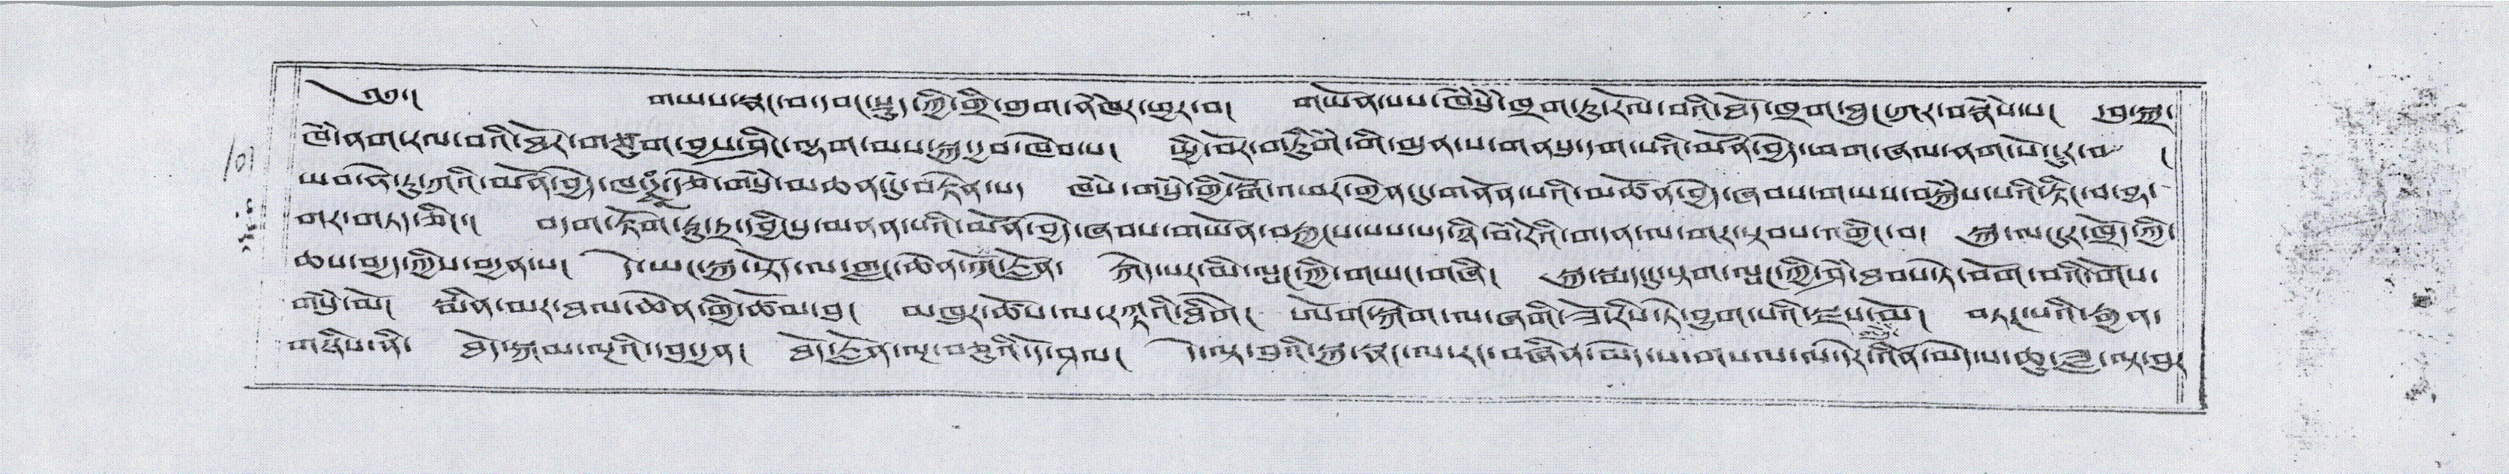གཡས་སྣང་བ་དབང་སྡུད་ཀྱི་གྲི་གུག་ནམ་མཁར་ཕྱར་བ། གཡོན་པས་ཁམས་གསུམ་ཁྲག་ཏུ་རོལ་བའི་ཐོད་ཁྲག་ཐུང་ཀར་བསྣམས་པ། དབུ་སྐྲ་
ཁམ་ནག་རལ་བའི་ཐོར་གཙུག་བྱས་ཤིང་ལྷག་མས་སྐུ་རྒྱབ་ཁེབ་པ། སྤྱི་བོར་གཏི་མུག་གི་མུན་པ་གནས་སུ་དག་པའི་མཚོན་བྱེད་ཕག་ཞལ་ནག་པོ་ངུར་བ། 
ཡབ་ནེ་རུ་ཀའི་མཚོན་བྱེད་ཁ་ཊཱཾ་རྩེ་གསུམ་མཆན་དུ་བརྟེན་པ། ཁམས་གསུམ་གྱི་སྒོ་འཕར་གྱེན་དུ་གནོན་པའི་མཚོན་བྱེད་ཞབས་གཡས་བསྐུམས་པའི་རྟིང་བ་བྷ་
གར་གཏད་ཅིང། བདག་རྟོག་རུ་ཏྲ་དབྱིངས་སུ་མནན་པའི་མཚོན་བྱེད་ཞབས་གཡོན་བརྐྱངས་པས་པད་ཉི་བམ་རོའི་གདན་ལ་གར་སྟབས་འགྱིང་བ། སྐུ་ལ་དུར་ཁྲོད་ཀྱི་
ཆས་བརྒྱད་ཀྱིས་བརྒྱན་པ། དེ་ཡང་སྐུ་སྟོད་ལ་གླང་ཆེན་ཀོ་རློན། རྐེད་པར་མི་ལྤགས་ཀྱི་གཡང་གཞི། སྐུ་སྨད་དུ་སྟག་ལྤགས་ཀྱི་ཤམ་ཐབས་ཏེ་བགོ་བའི་གོས་
གསུམ་མོ། སྨིན་མར་ཐལ་ཆེན་གྱི་ཚོམ་ཐ། མཁུར་ཚོས་ལ་རཀྟའི་ཐིག་ལེ། ཨོག་སྐེག་ལ་ཞག་གི་ཟོ་རིས་ཏེ་བྱུག་པའི་རྫས་གསུམ་མོ། བཏགས་པའི་རྒྱན་
གཉིས་ནི། ཐོད་སྐམ་ལྔའི་དབུ་རྒྱན། ཐོད་རློན་ལྔ་བཅུའི་དོ་ཤལ། དེ་ལྟ་བུའི་སྐུ་སྣང་ལ་རང་བཞིན་མེད་པ་གསལ་ལ་དེར་འཛིན་མེད་པ་ཆུ་ཟླ་ལྟ་བུར་